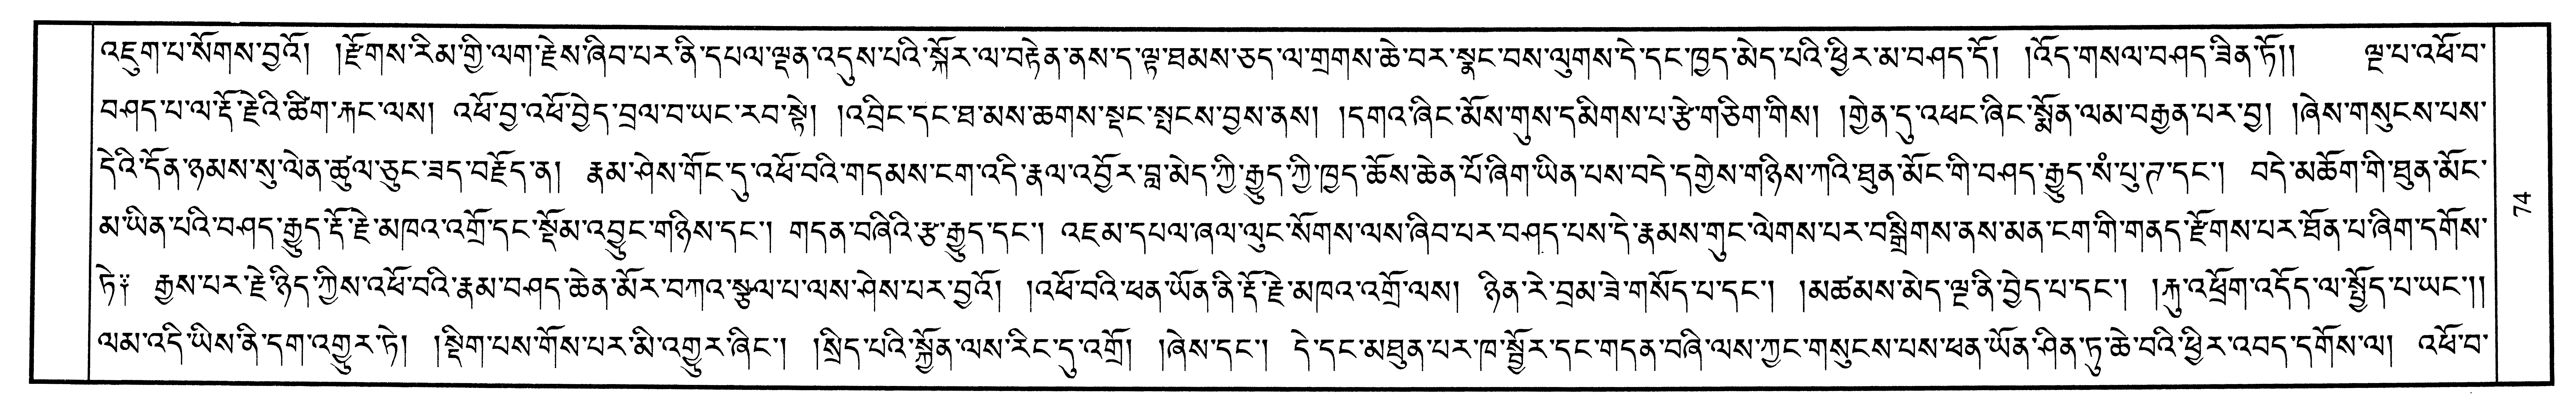འཇུག་པ་སོགས་བྱའོ། །རྫོགས་རིམ་གྱི་ལག་རྗེས་ཞིབ་པར་ནི་དཔལ་ལྡན་འདུས་པའི་སྐོར་ལ་བརྟེན་ནས་ད་ལྟ་ཐམས་ཅད་ལ་གྲགས་ཆེ་བར་སྣང་བས་ལུགས་དེ་དང་ཁྱད་མེད་པའི་ཕྱིར་མ་བཤད་དོ། །འོད་གསལ་བཤད་ཟིན་ཏོ།། ལྔ་པ་འཕོ་བ་
བཤད་པ་ལ་རྡོ་རྗེའི་ཚིག་རྐང་ལས། འཕོ་བྱ་འཕོ་བྱེད་བྲལ་བ་ཡང་རབ་སྟེ། །འབྲིང་དང་ཐ་མས་ཆགས་སྡང་སྤངས་བྱས་ནས། །དགའ་ཞིང་མོས་གུས་དམིགས་པ་རྩེ་གཅིག་གིས། །གྱེན་དུ་འཕང་ཞིང་སྨོན་ལམ་བརྒྱན་པར་བྱ། །ཞེས་གསུངས་པས་
དེའི་དོན་ཉམས་སུ་ལེན་ཚུལ་ཅུང་ཟད་བརྗོད་ན། རྣམ་ཤེས་གོང་དུ་འཕོ་བའི་གདམས་ངག་འདི་རྣལ་འབྱོར་བླ་མེད་ཀྱི་རྒྱུད་ཀྱི་ཁྱད་ཆོས་ཆེན་པོ་ཞིག་ཡིན་པས་བདེ་དགྱེས་གཉིས་ཀའི་ཐུན་མོང་གི་བཤད་རྒྱུད་སཾ་པུ་ཊ་དང་། བདེ་མཆོག་གི་ཐུན་མོང་
མ་ཡིན་པའི་བཤད་རྒྱུད་རྡོ་རྗེ་མཁའ་འགྲོ་དང་སྡོམ་འབྱུང་གཉིས་དང་། གདན་བཞིའི་རྩ་རྒྱུད་དང་། འཇམ་དཔལ་ཞལ་ལུང་སོགས་ལས་ཞིབ་པར་བཤད་པས་དེ་རྣམས་གུང་ལེགས་པར་བསྒྲིགས་ནས་མན་ངག་གི་གནད་རྫོགས་པར་ཐོན་པ་ཞིག་དགོས་
ཏེ༑ རྒྱས་པར་རྗེ་ཉིད་ཀྱིས་འཕོ་བའི་རྣམ་བཤད་ཆེན་མོར་བཀའ་སྩལ་པ་ལས་ཤེས་པར་བྱའོ། །འཕོ་བའི་ཕན་ཡོན་ནི་རྡོ་རྗེ་མཁའ་འགྲོ་ལས། ཉིན་རེ་བྲམ་ཟེ་གསོད་པ་དང་། །མཚམས་མེད་ལྔ་ནི་བྱེད་པ་དང་། །རྐུ་འཕྲོག་འདོད་ལ་སྤྱོད་པ་ཡང།།
ལམ་འདི་ཡིས་ནི་དག་འགྱུར་ཏེ། །སྡིག་པས་གོས་པར་མི་འགྱུར་ཞིང་། །སྲིད་པའི་སྐྱོན་ལས་རིང་དུ་འགྲོ། །ཞེས་དང་། དེ་དང་མཐུན་པར་ཁ་སྦྱོར་དང་གདན་བཞི་ལས་ཀྱང་གསུངས་པས་ཕན་ཡོན་ཤིན་ཏུ་ཆེ་བའི་ཕྱིར་འབད་དགོས་ལ། འཕོ་བ་